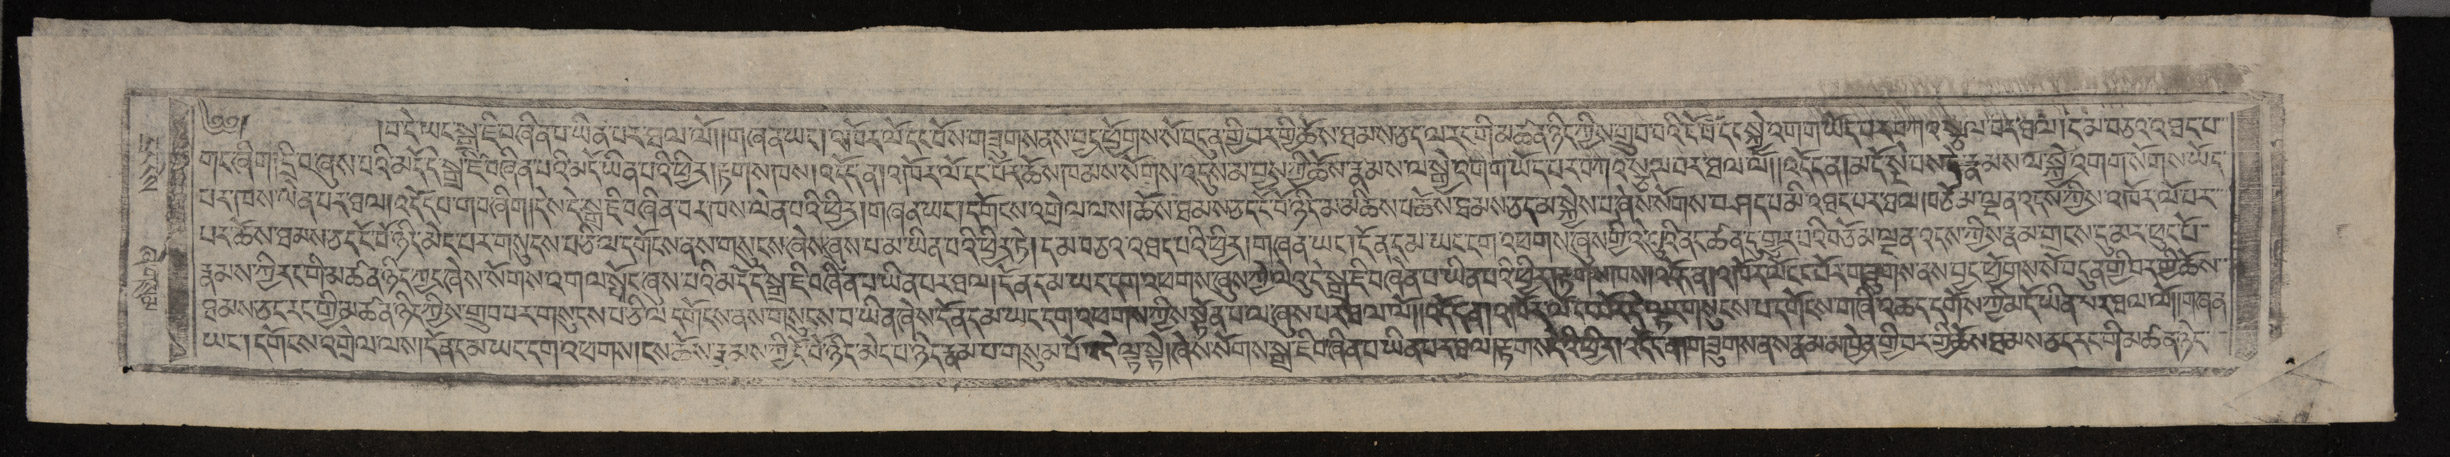༄༅། །བ་དེ་ཡང་སྒྲ་ཇི་བཞིན་པ་ཡིན་པར་ཐལ་ལོ། །གཞན་ཡང་། འཁོར་ལོ་དང་པོས་གཟུགས་ནས་བྱང་ཕྱོགས་སོ་བདུན་གྱི་བར་གྱི་ཆོས་ཐམས་ཅད་ལ་རང་གི་མཚན་ཉིད་ཀྱིས་གྲུབ་པའི་ངོ་བོ་དང་སྐྱེ་འགག་ཡོད་པར་བཀའ་སྩལ་བར་ཐལ། དམ་བཅའ་འཐད་པ་གང་ཞིག །དྲི་བ་ཞུས་པའི་མདོ་དེ་སྒྲ་ཇི་བཞིན་པའི་མདོ་ཡིན་པའི་ཕྱིར། རྟགས་ཁས། འདོད་ན། འཁོར་ལོ་དང་པོར་ཆོས་ཁམས་སོགས་འདུས་མ་བྱས་ཀྱི་ཆོས་རྣམས་ལ་སྐྱེ་འགག་ཡོད་པར་བཀའ་སྩལ་བར་ཐལ་ལོ། །འདོད་ན། མདོ་སྡེ་པས་དེ་རྣམས་ལ་སྐྱེ་འགག་སོགས་ཡོད་
པར་ཁས་ལེན་པར་ཐལ། འདོད་པ་གང་ཞིག །དེས་དེ་སྒྲ་ཇི་བཞིན་པར་ཁས་ལེན་པའི་ཕྱིར། གཞན་ཡང་། དགོངས་འགྲེལ་ལས། ཆོས་ཐམས་ཅད་ངོ་བོ་ཉིད་མ་མཆིས་པ་ཆོས་ཐམས་ཅད་མ་སྐྱེས་པ་ཞེས་སོགས་བཤད་པ་མི་འཐད་པར་ཐལ། བཅོམ་ལྡན་འདས་ཀྱིས་འཁོར་ལོ་བར་
པར་ཆོས་ཐམས་ཅད་ངོ་བོ་ཉིད་མེད་པར་གསུངས་པ་ཅི་ལ་དགོངས་ནས་གསུངས་ཞེས་ཞུས་པ་མ་ཡིན་པའི་ཕྱིར་ཏེ། དམ་བཅའ་འཐད་པའི་ཕྱིར། གཞན་ཡང་། དོན་དམ་ཡང་དག་འཕགས་ཞུས་ཀྱི་ལེའུའི་ནང་ཚན་དུ་གྱུར་པའི་བཅོམ་ལྡན་འདས་ཀྱིས་རྣམ་གྲངས་དུ་མར་ཕུང་པོ་
རྣམས་ཀྱི་རང་གི་མཚན་ཉིད་ཀྱང་ཞེས་སོགས་འགལ་སྤོང་ཞུས་པའི་མདོ་དེ་སྒྲ་ཇི་བཞིན་པ་ཡིན་པར་ཐལ། དོན་དམ་ཡང་དག་འཕགས་ཞུས་ཀྱི་ལེའུ་དེ་སྒྲ་ཇི་བཞིན་པ་ཡིན་པའི་ཕྱིར། རྟགས་ཁས། འདོད་ན། འཁོར་ལོ་དང་པོར་གཟུགས་ནས་བྱང་ཕྱོགས་སོ་བདུན་གྱི་བར་གྱི་ཆོས་
ཐམས་ཅད་རང་གི་མཚན་ཉིད་ཀྱིས་གྲུབ་པར་གསུངས་པ་ཅི་ལ་དགོངས་ནས་གསུངས་པ་ཡིན་ཞེས་དོན་དམ་ཡང་དག་འཕགས་ཀྱིས་སྟོན་པ་ལ་ཞུས་པར་ཐལ་ལོ། །འདོད་ན། འཁོར་ལོ་དང་པོར་དེ་ལྟར་གསུངས་པ་དགོངས་གཞི་འཆད་དགོས་ཀྱི་མདོ་ཡིན་པར་ཐལ་ལོ། །གཞན་
ཡང་། དགོངས་འགྲེལ་ལས། དོན་དམ་ཡང་དག་འཕགས། ངས་ཆོས་རྣམས་ཀྱི་ངོ་བོ་ཉིད་མེད་པ་ཉིད་རྣམ་པ་གསུམ་པོ་འདི་ལྟ་སྟེ། ཞེས་སོགས་སྒྲ་ཇི་བཞིན་པ་ཡིན་པར་ཐལ། རྟགས་དེའི་ཕྱིར། འདོད་ན། གཟུགས་ནས་རྣམ་མཁྱེན་གྱི་བར་གྱི་ཆོས་ཐམས་ཅད་རང་གི་མཚན་ཉིད་